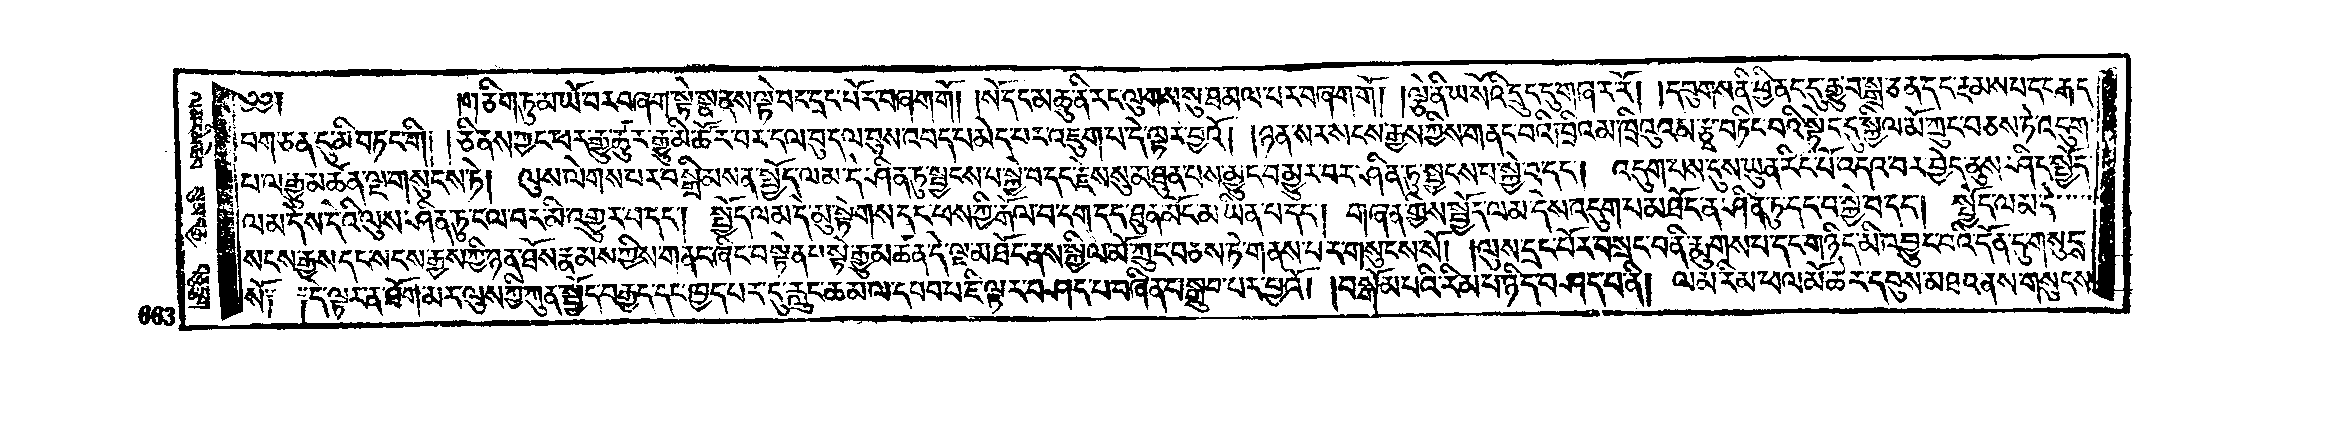༄༅། །གཅིག་ཏུ་མ་ཡོ་བར་བཞག་སྟེ་སྣ་ནས་ལྟེ་བར་དྲང་པོར་བཞག་གོ། །སོ་དང་མཆུ་ནི་རང་ལུགས་སུ་ཐ་མལ་པར་བཞག་གོ། །ལྕེ་ནི་ཡ་སོའི་དྲུང་དུ་གཞར་རོ། །དབུགས་ནི་ཕྱི་ནང་དུ་རྒྱུ་བ་སྒྲ་ཅན་དང་རྔམས་པ་དང་རྒོད།
བག་ཅན་དུ་མི་བཏང་གི། །ཅི་ནས་ཀྱང་ཕར་རྒྱུ་ཚུར་རྒྱུ་མི་ཚོར་བར་དལ་བུ་དལ་བུས་འབད་པ་མེད་པར་འཇུག་པ་དེ་ལྟར་བྱའོ། །ཉན་སར་སངས་རྒྱས་ཀྱིས་གནང་བའི་ཁྲིའམ་ཁྲིའུའམ་རྩྭ་བཏིང་བའི་སྟེང་དུ་སྐྱིལ་མོ་ཀྲུང་བཅས་ཏེ་འདུག་
པ་ལ་རྒྱུ་མཚན་ལྔ་གསུངས་ཏེ། ལུས་ལེགས་པར་བསྒྲིམས་ན་སྤྱོད་ལམ་དེ་ཤིན་ཏུ་སྦྱངས་པ་སྐྱེ་བ་དང་རྗེས་སུ་མཐུན་པས་མྱུར་བ་མྱུར་བར་ཤིན་ཏུ་སྦྱངས་པ་སྐྱེ་བ་དང་། འདུག་པས་དུས་ཡུན་རིང་པོ་འདའ་བར་བྱེད་ནུས་ཤིང་སྤྱོད་
ལམ་དེས་དེའི་ལུས་ཤིན་ཏུ་ངལ་བར་མི་འགྱུར་བ་དང་། སྤྱོད་ལམ་དེ་མུ་སྟེགས་དང་ཕས་ཀྱི་རྒོལ་བ་དག་དང་ཐུན་མོང་མ་ཡིན་པ་དང་། གཞན་གྱིས་སྤྱོད་ལམ་དེས་འདུག་པ་མཐོང་ན་ཤིན་ཏུ་དང་བ་སྐྱེ་བ་དང་། སྤྱོད་ལམ་དེ་
སངས་རྒྱས་དང་སངས་རྒྱས་ཀྱི་ཉན་ཐོས་རྣམས་ཀྱིས་གནང་ཞིང་བསྟེན་པ་སྟེ་རྒྱུ་མཚན་དེ་ལྔ་མཐོང་ནས་སྐྱིལ་མོ་ཀྲུང་བཅས་ཏེ་གནས་པར་གསུངས་སོ། །ལུས་དྲང་པོར་བསྲང་བ་ནི་རྨུགས་པ་དང་གཉིད་མི་འབྱུང་བའི་དོན་དུ་གསུངས་
སོ༑ ༑དེ་ལྟར་ན་ཐོག་མར་ལུས་ཀྱི་ཀུན་སྤྱོད་བརྒྱད་དང་ཁྱད་པར་དུ་རླུང་ཆམ་ལ་དབབ་པ་ཇི་ལྟར་བཤད་པ་བཞིན་བསྒྲུབ་པར་བྱའོ། །བསྒོམ་པའི་རིམ་པ་ཉིད་བཤད་པ་ནི། ལམ་རིམ་ཕལ་མོ་ཆེར་དབུས་མཐའ་ནས་གསུངས་